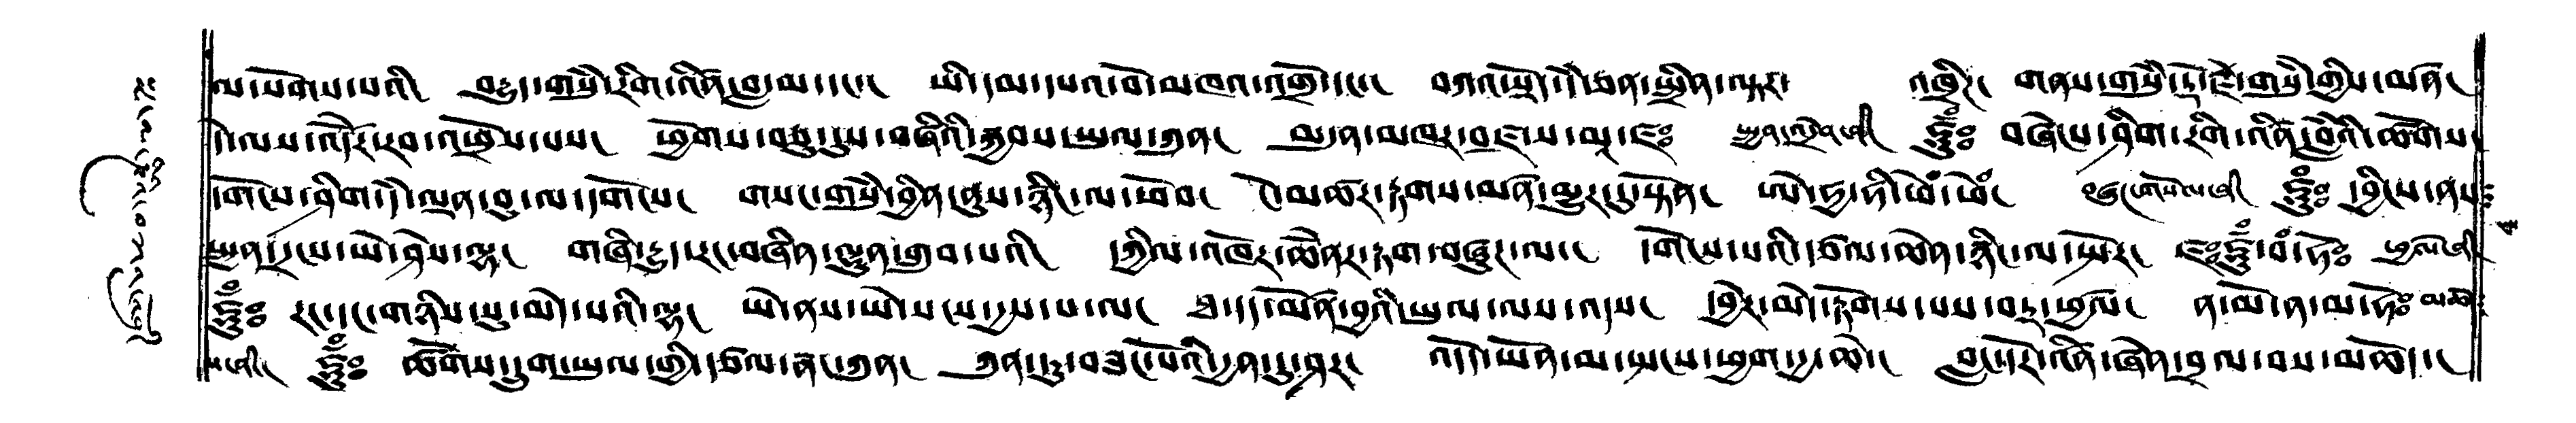ལ་སོགས་པའི། །བརྒྱུད་གསུམ་རིག་འཛིན་བླ་མ་དང་། །ཡི་དམ་དཔའ་བོ་མཁའ་འགྲོ་དང་། །བཀའ་སྡོད་དམ་ཅན་སྤྲིན་ལྟར་འཁྲིགས། །གནས་གསུམ་རྡོ་རྗེ་གསུམ་གྱིས་མཚན། །
དེ་ལས་འོད་ཟེར་རབ་འཕྲོས་པས། །ཕྱོགས་བཅུ་དུས་བཞིའི་སྐྱབས་ཡུལ་ཀུན། །མདུན་མཁར་བཛྲ་ས་མཱ་ཛཿ སྤྱན་འདྲེན་ནི། ཧཱུྃ། བཞེངས་ཤིག་རིག་འཛིན་བླ་མའི་ཚོགས། །
དགོངས་ཤིག་དམ་ལྡན་བུ་ལ་དགོངས། །གསང་གསུམ་བྱིན་ནུས་སྙིང་ལ་ཕོབ། །ངོ་མཚར་རྟགས་མཚན་མྱུར་དུ་སྟོན། ཨེ་ཧྱ་ཧི་ཕེཾ་ཕེཾཿ བཞུགས་གསོལ་ནི། ཧཱུྃ། དབྱིངས་ནས་
སྤྱན་དྲངས་ཡེ་ཤེས་ལྷ། །གཞི་རྒྱུད་རང་བཞིན་ལྷུན་གྲུབ་པའི། །དཀྱིལ་འཁོར་ཆེན་པོར་རྟག་བཞུགས་ལ། དགོངས་པའི་རྩལ་ཆེན་སྙིང་ལ་སྦོར། ཛཿཧཱུྃ་བཾ་ཧོཿ ཕྱག་འཚལ་ནི། 
ཧཱུྃ། རང་དང་གཉིས་སུ་མེད་པའི་ལྷ། །ཡེ་ནས་ཡེ་སངས་རྒྱས་པ་ལ། །ཐ་དད་མཚོན་བྱའི་ཡུལ་ལས་འདས། །དབྱེར་མེད་རྟོགས་པས་བརྡ་ཕྱག་འཚལ། །ན་མོ་ན་མ་ཧོཿ མཆོད་
པ་ནི། ཧཱུྃ། ཚོགས་དྲུག་ཡུལ་གྱི་རྩལ་སྣང་ཀུན། །ཀུན་ཏུ་བཟང་པོའི་རྒྱན་དུ་ཤར། །འདོད་ཡོན་མ་སྤངས་ཕྱག་རྒྱ་ཆེ། །བླང་དོར་འཛིན་ཞཻན་བྲལ་བས་མཆོད།